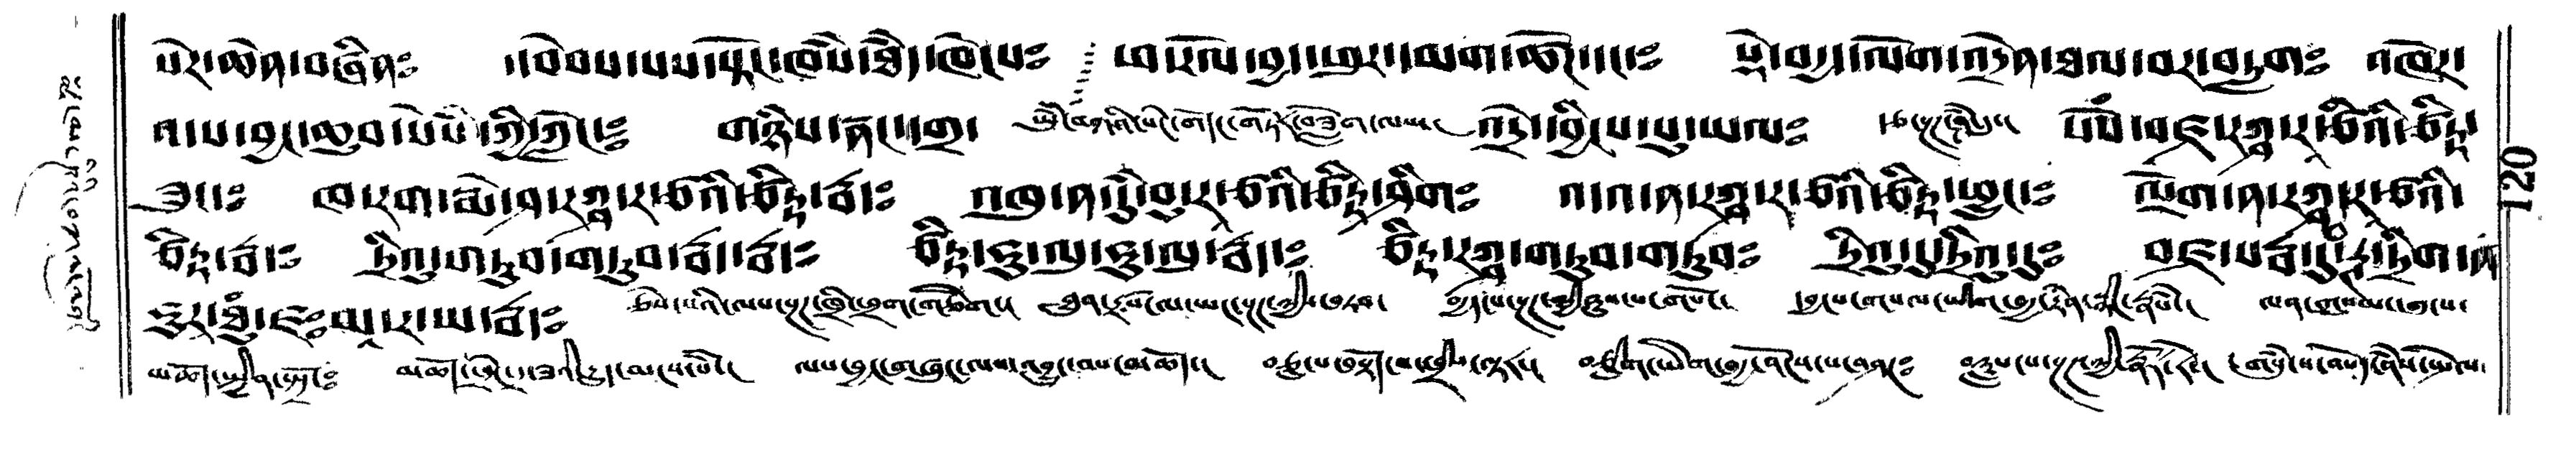སེར་ཆེན་བཞིན༔ བབས་པས་སྟོང་ཁམས་ཐམས་ཅད་ཁེངས༔ ཕ་རོལ་བྱད་ཕུར་དམག་ཚོགས་དང༔ སྡེ་བརྒྱད་ལོག་འདྲེན་ཐལ་བར་རློག༔ འཁོར་
འདས་བྱང་ཆུབ་སེམས་ཀྱི་ཀློང༔ གཉིས་སྣང་དགྲ་འདྲེ་དབྱིངས་སུ་ཡལ༔ རྩ་སྔགས་གཤམ་དུ། ཨོཾ་བཛྲ་རཀྴ་རྭ་ཙའི་ཙིཏྟ་
ཟུང༔ ཁ་རག་སྦེ་ཤ་རཀྴ་ར་ཙའི་ཙིཏྟ་རྦད༔ འཁུ་ན་དུམ་བུ་རཱ་ཙའི་ཙིཏྟ་ཤིག༔ འདའ་ན་རཀྴ་ར་ཙའི་ཙིཏྟ་ཕྱུང༔ ལྡོག་ན་རཀྴ་ར་ཙའི་
ཙིཏྟ་རྦད༔ ཏྲིའུ་གཏུབ་གཏུབ་རྦད་རྦད༔ ཙིཏྟ་ཧུ་ལུ་ཧུ་ལུ་རྦད༔ ཙིཏྟ་རཀྴ་གཏུབ་གཏུབ༔ ཏྲིའུ་དུ་ཏྲིའུ་དུ༔ བཛྲ་སརྦ་དུ་ཥྚི་ཏྲིག་ན་
ཧུར་ཐུཾ་ཛཿམཱ་ར་ཡ་རྦད༔ ཅེས་པའི་ལས་སྔགས་ཁྲི་ཕྲག་གཅིག །ཐུན་རྫས་ལ་ཡང་སྔགས་ཀྱིས་བཏབ། །བརྒྱད་པ་སྔགས་ཀྱི་ནུས་པ་གསོ། །དབྱངས་གསལ་ཡིག་བརྒྱ་རྟེན་སྙིང་རྣམས། །ལན་གསུམ་དགུ་པ་
མཆོད་སྤྲིན་སྤྲོ། །མཆོད་ཕྲེང་དྲི་ཟའི་རྒྱུད་མང་ངམ། །ལས་བྱང་གཞུང་ལས་བྱུང་བས་མཆོད། །བཅུ་པ་བསྟོད་པ་ཕྲིན་ལས་ལྟར། །བཅུ་གཅིག་ཡིག་བརྒྱས་་ནོངས་པ་བཤགས། །བཟླས་པ་སྔགས་ཀྱི་རྣལ་འབྱོར་རོ། །གསུམ་པ་བསོད་ནམས་སྤེལ་